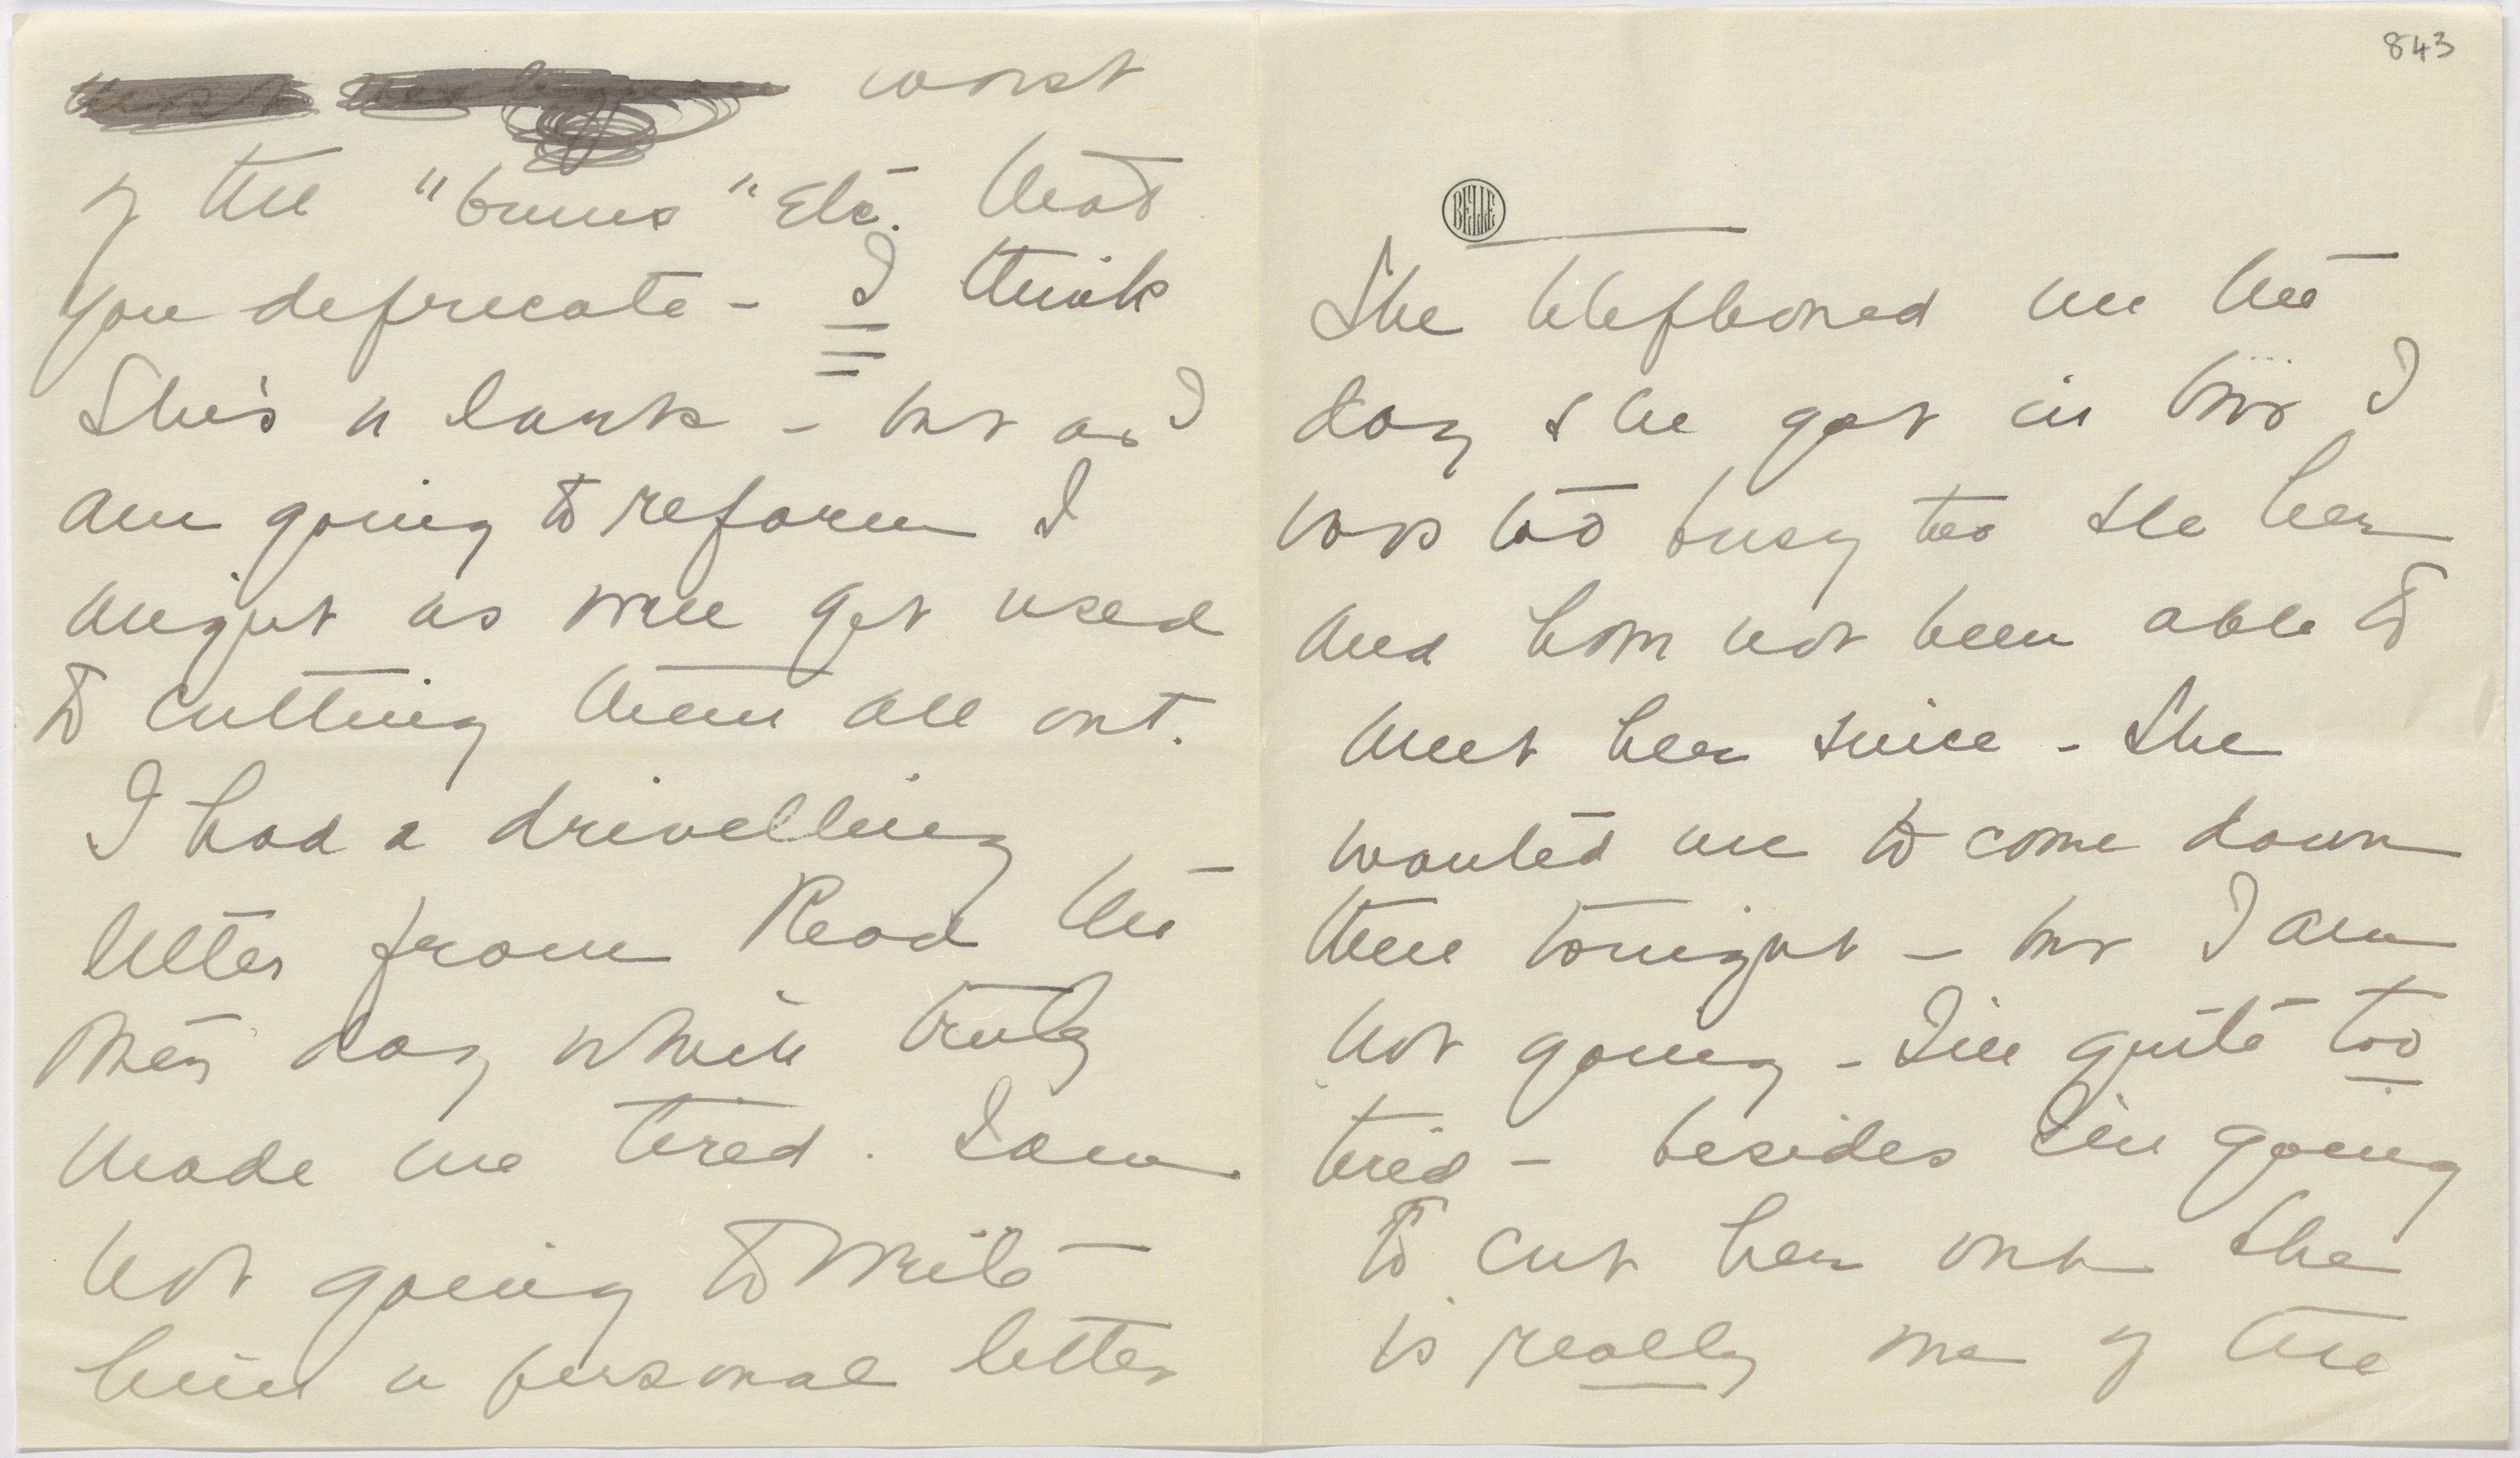She telephoned me the day she got in but I was too busy to see her and have not been able to meet her since – She wanted me to come down there tonight – but I am not going – I’m quite too tired – besides I’m going to cut her out – She is really one of the
most [illegible deletion] worst of the “bums” etc. that you deprecate – [triple underlined: I] think she’s a lark – but as I am going to reform I might as well get used to cutting them all out.
I had a drivelling letter from Read the other day which truly made me tired. I am not going to write him a personal letter